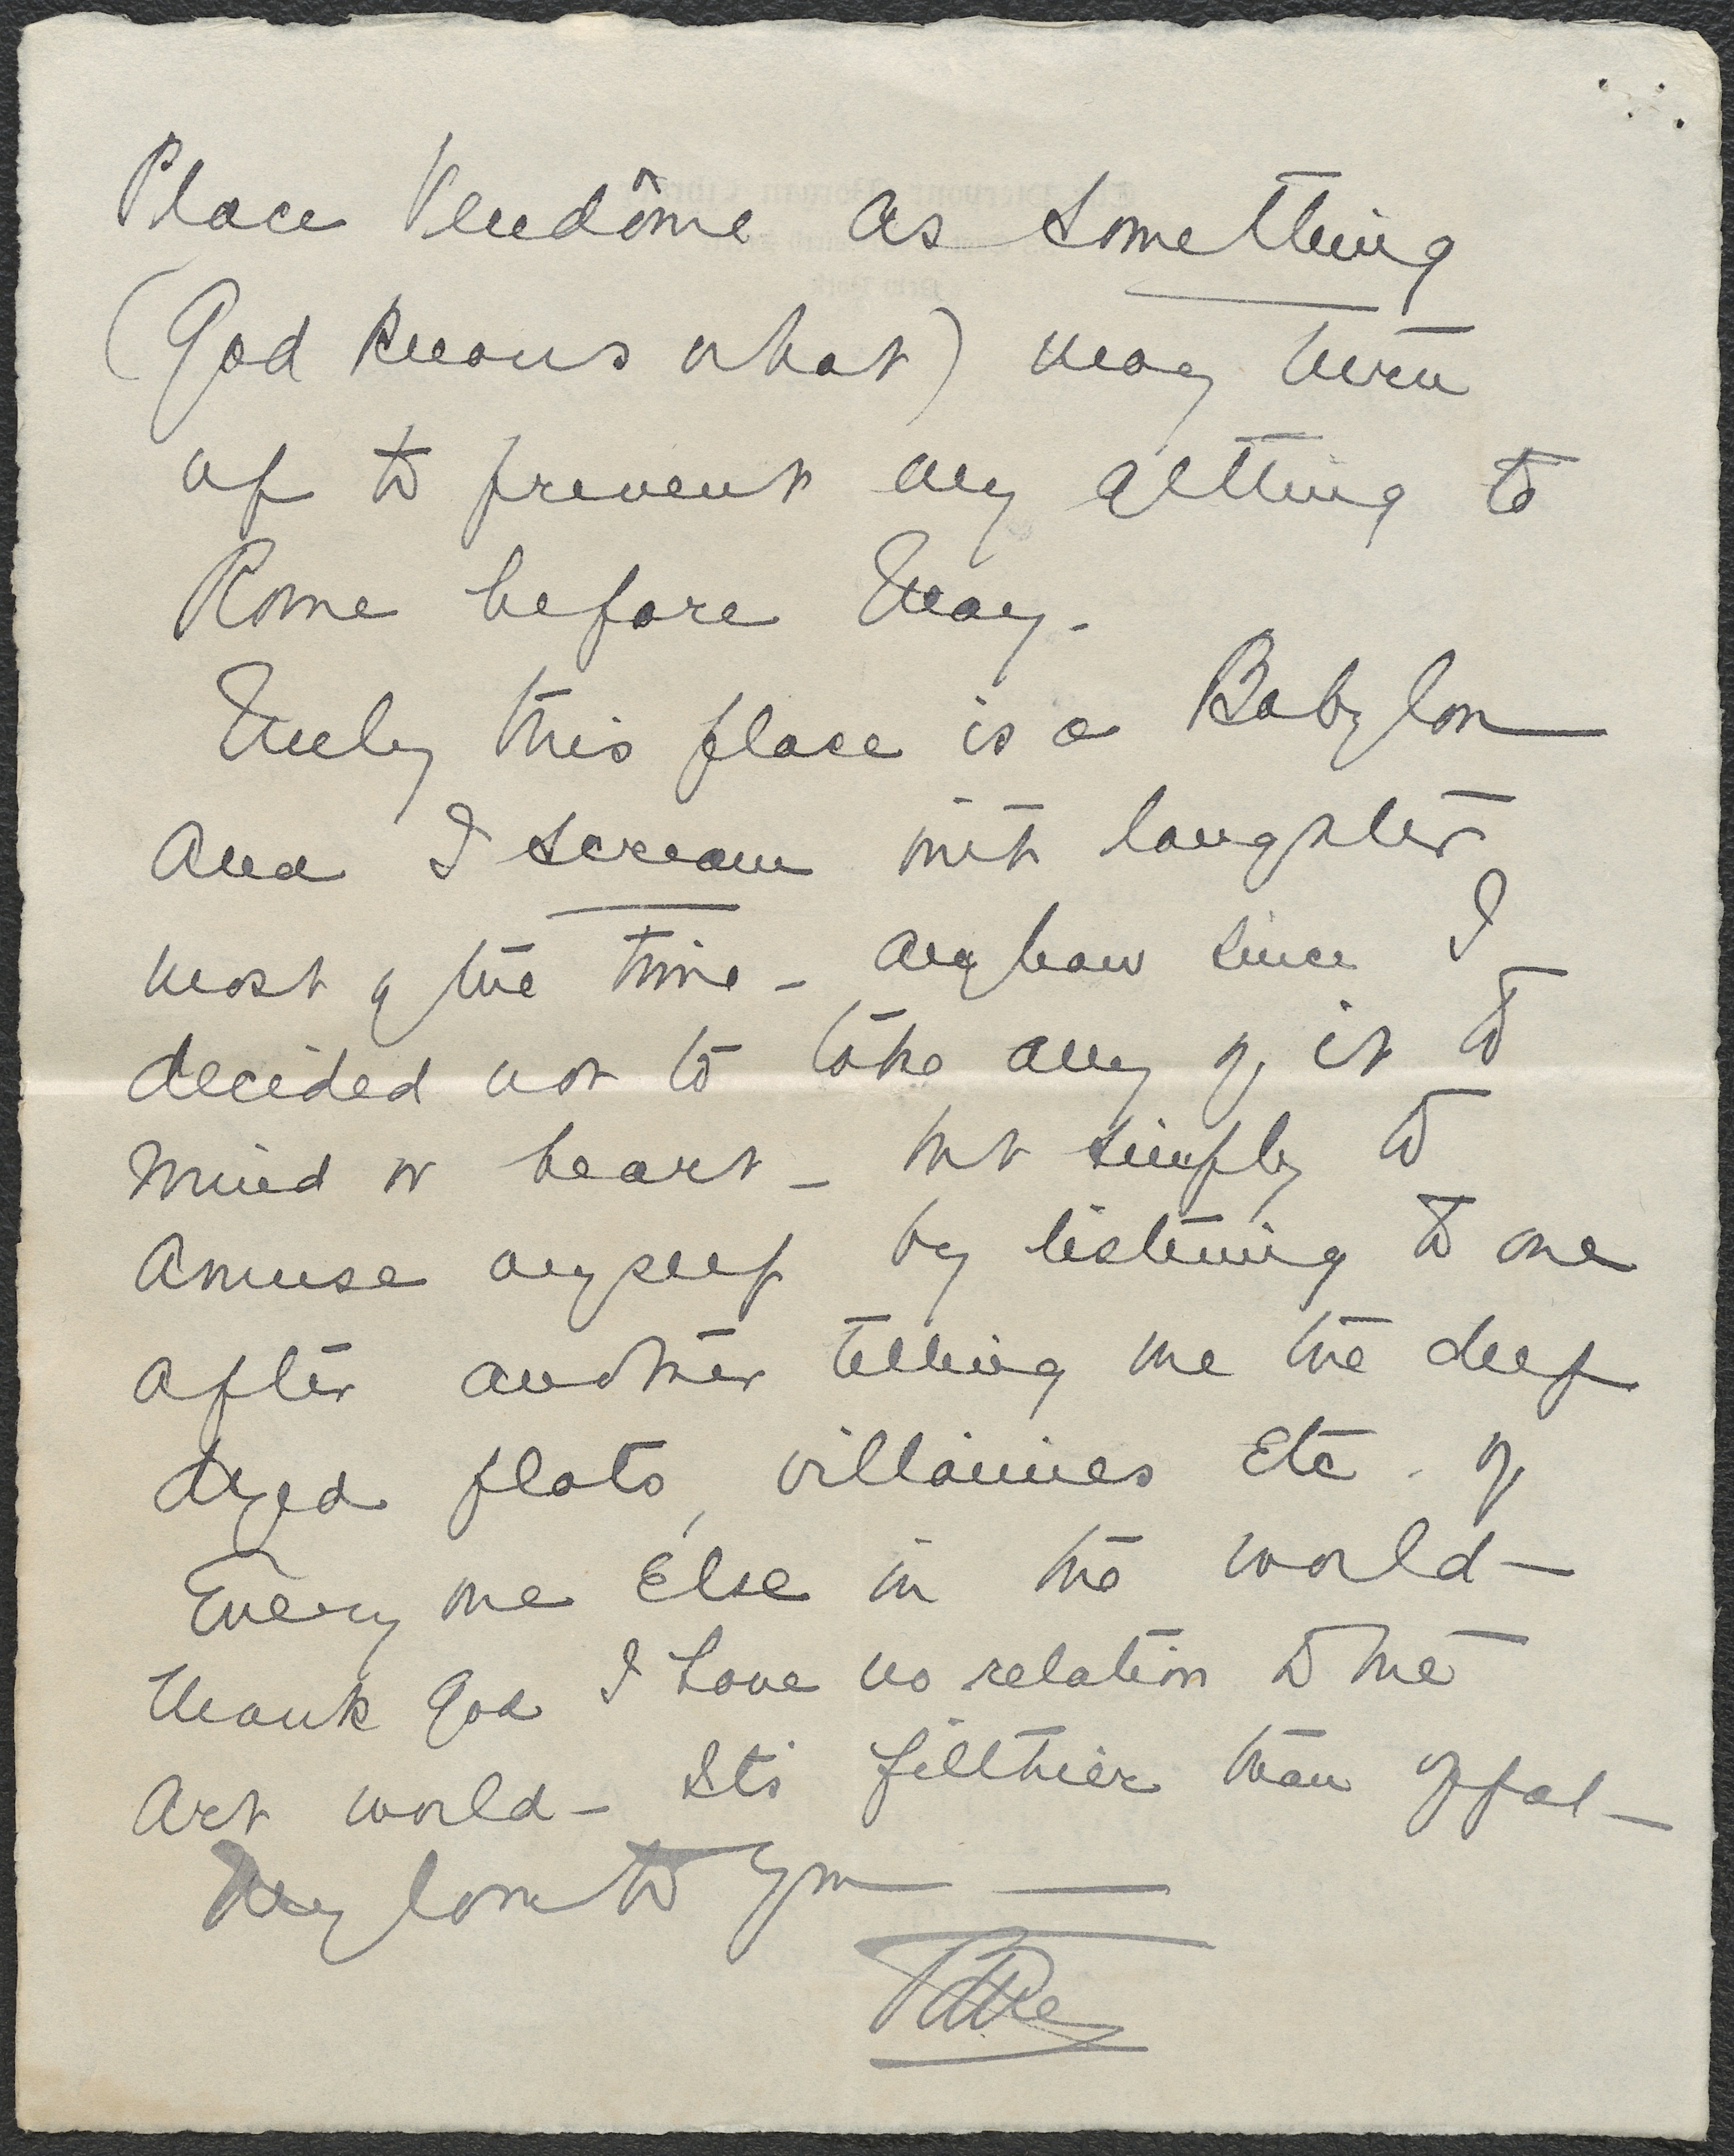Place Vendôme as something (God knows what) may turn up to prevent my getting to Rome before May.
Truly this place is a Babylon and I scream with laughter most of the time – anyhow since I decided not to take any of it to mind or heart – but simply to amuse myself by listening to one after another telling me the deep dyed plots, villainies, etc. of everyone else in the world – Thank God I have no relation to the Art world – It's filthier than offal –
My love to you –
Belle